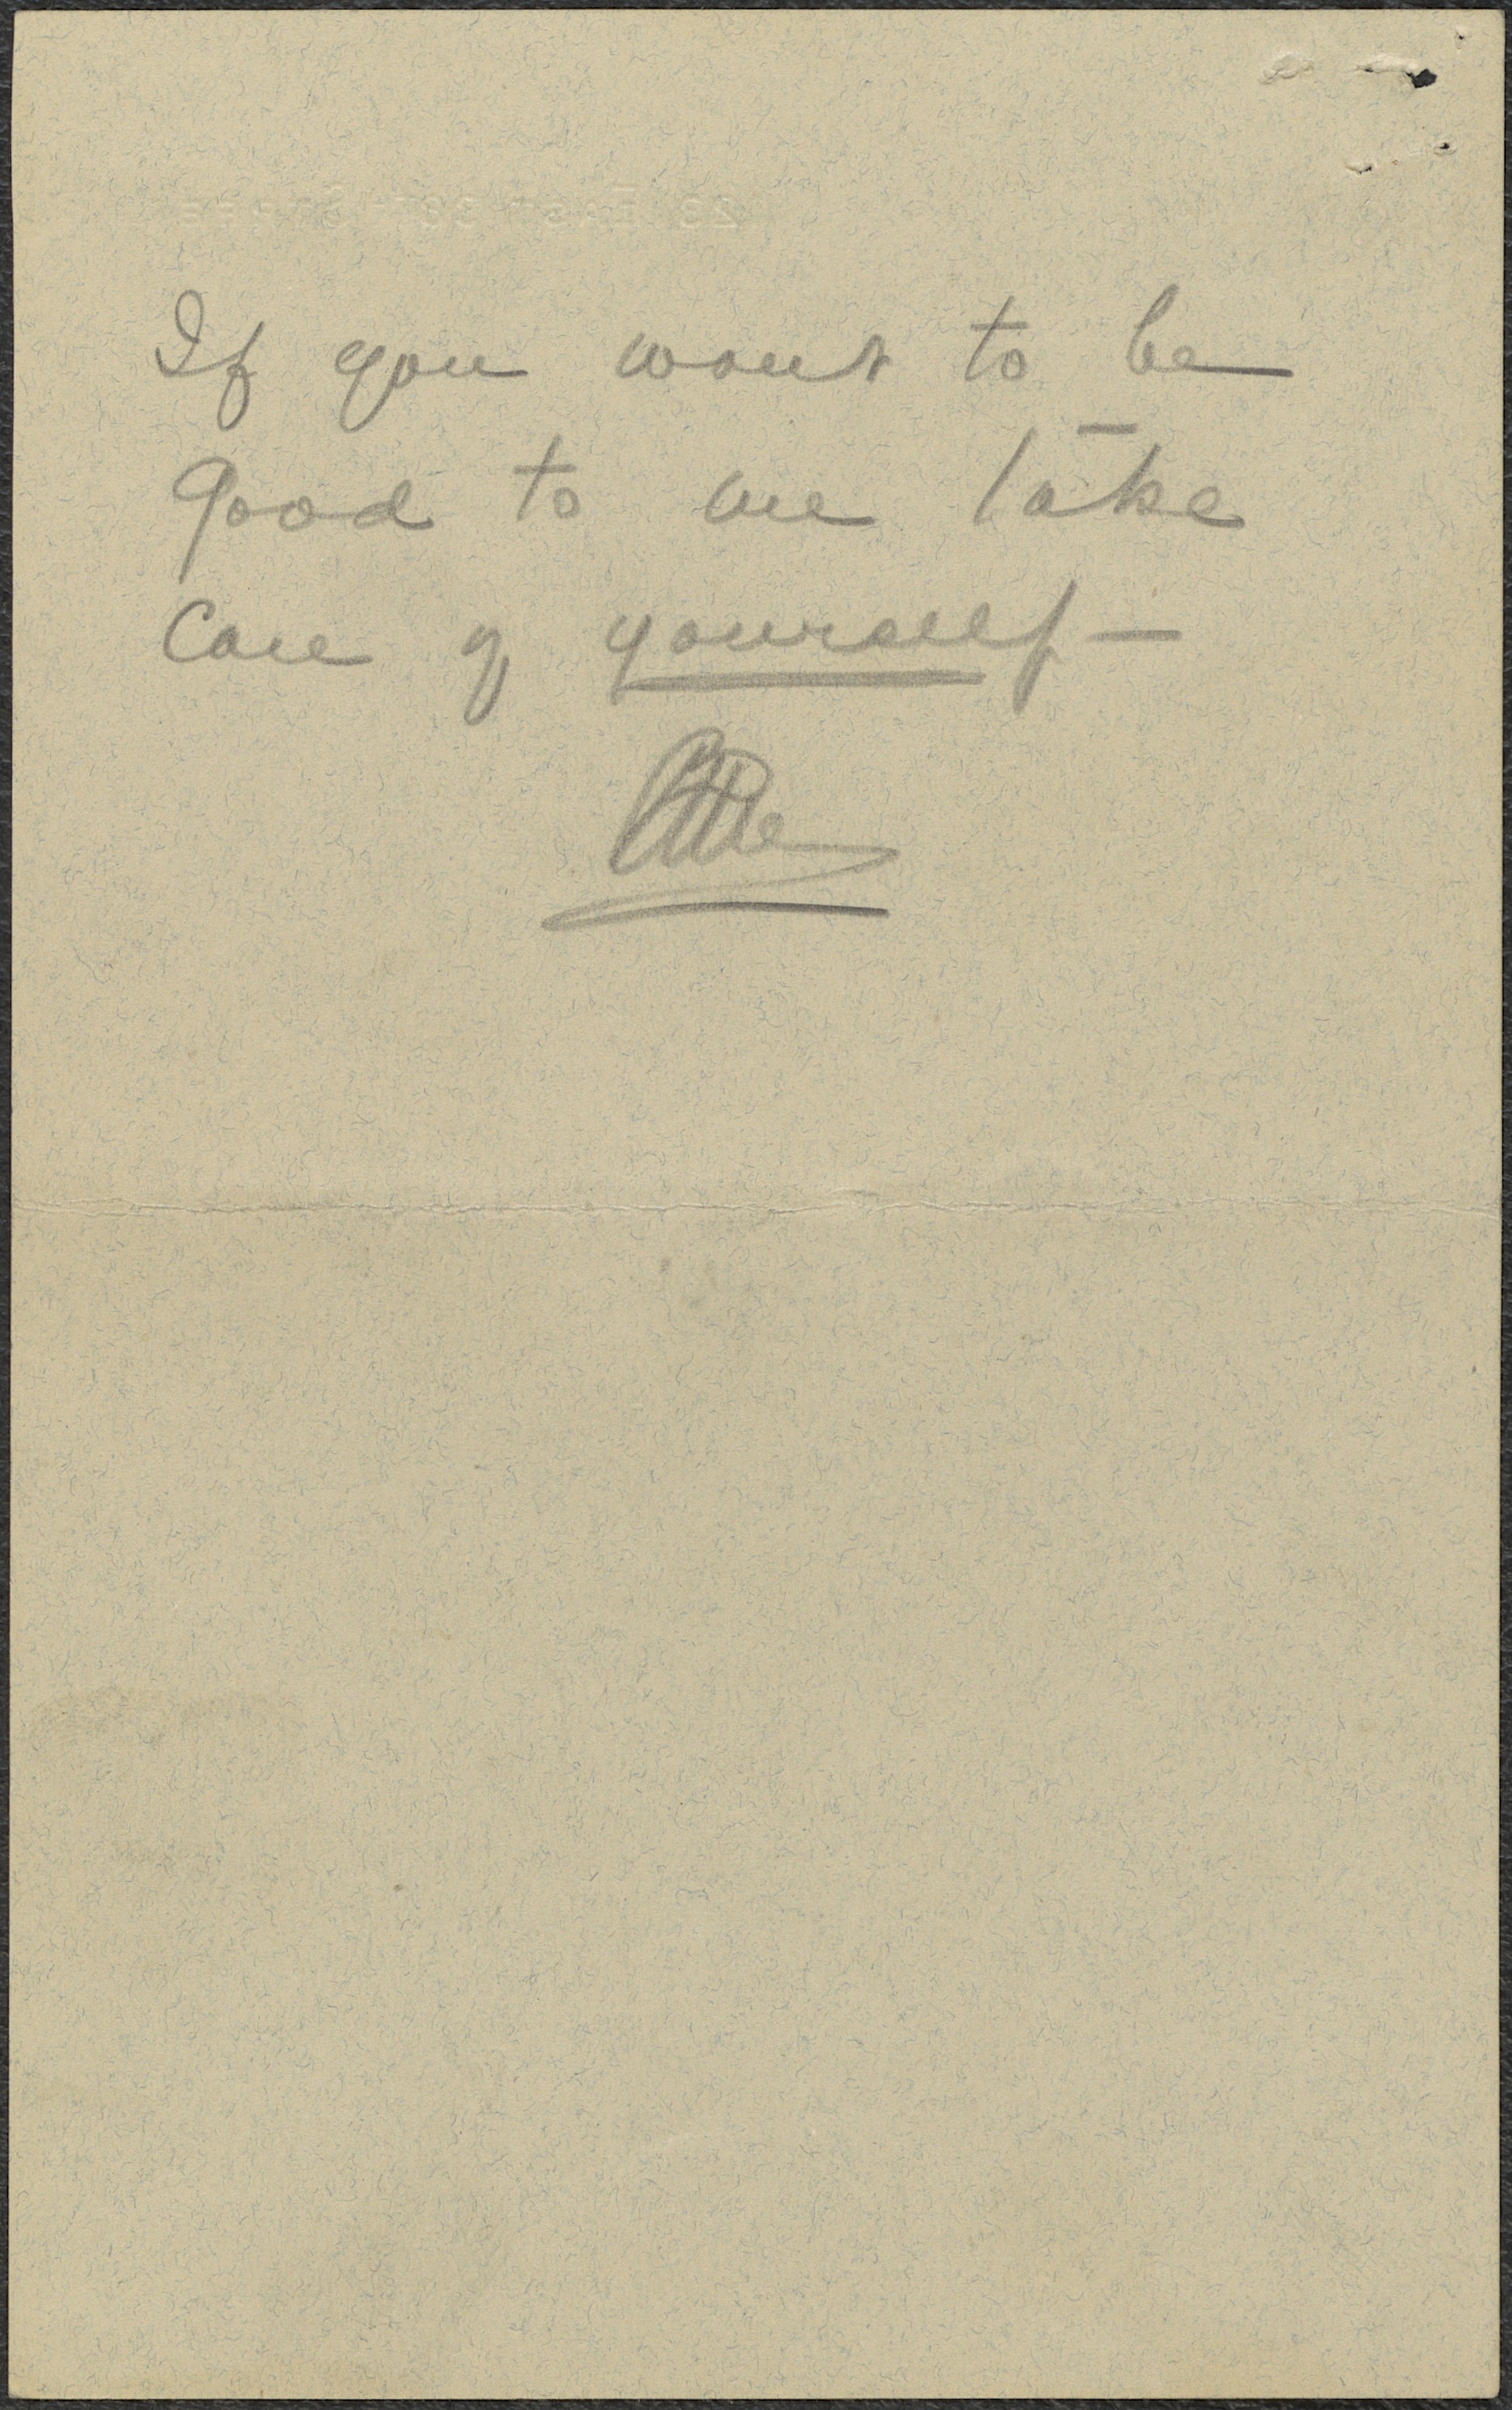If you want to be good to me take care of yourself –
Belle